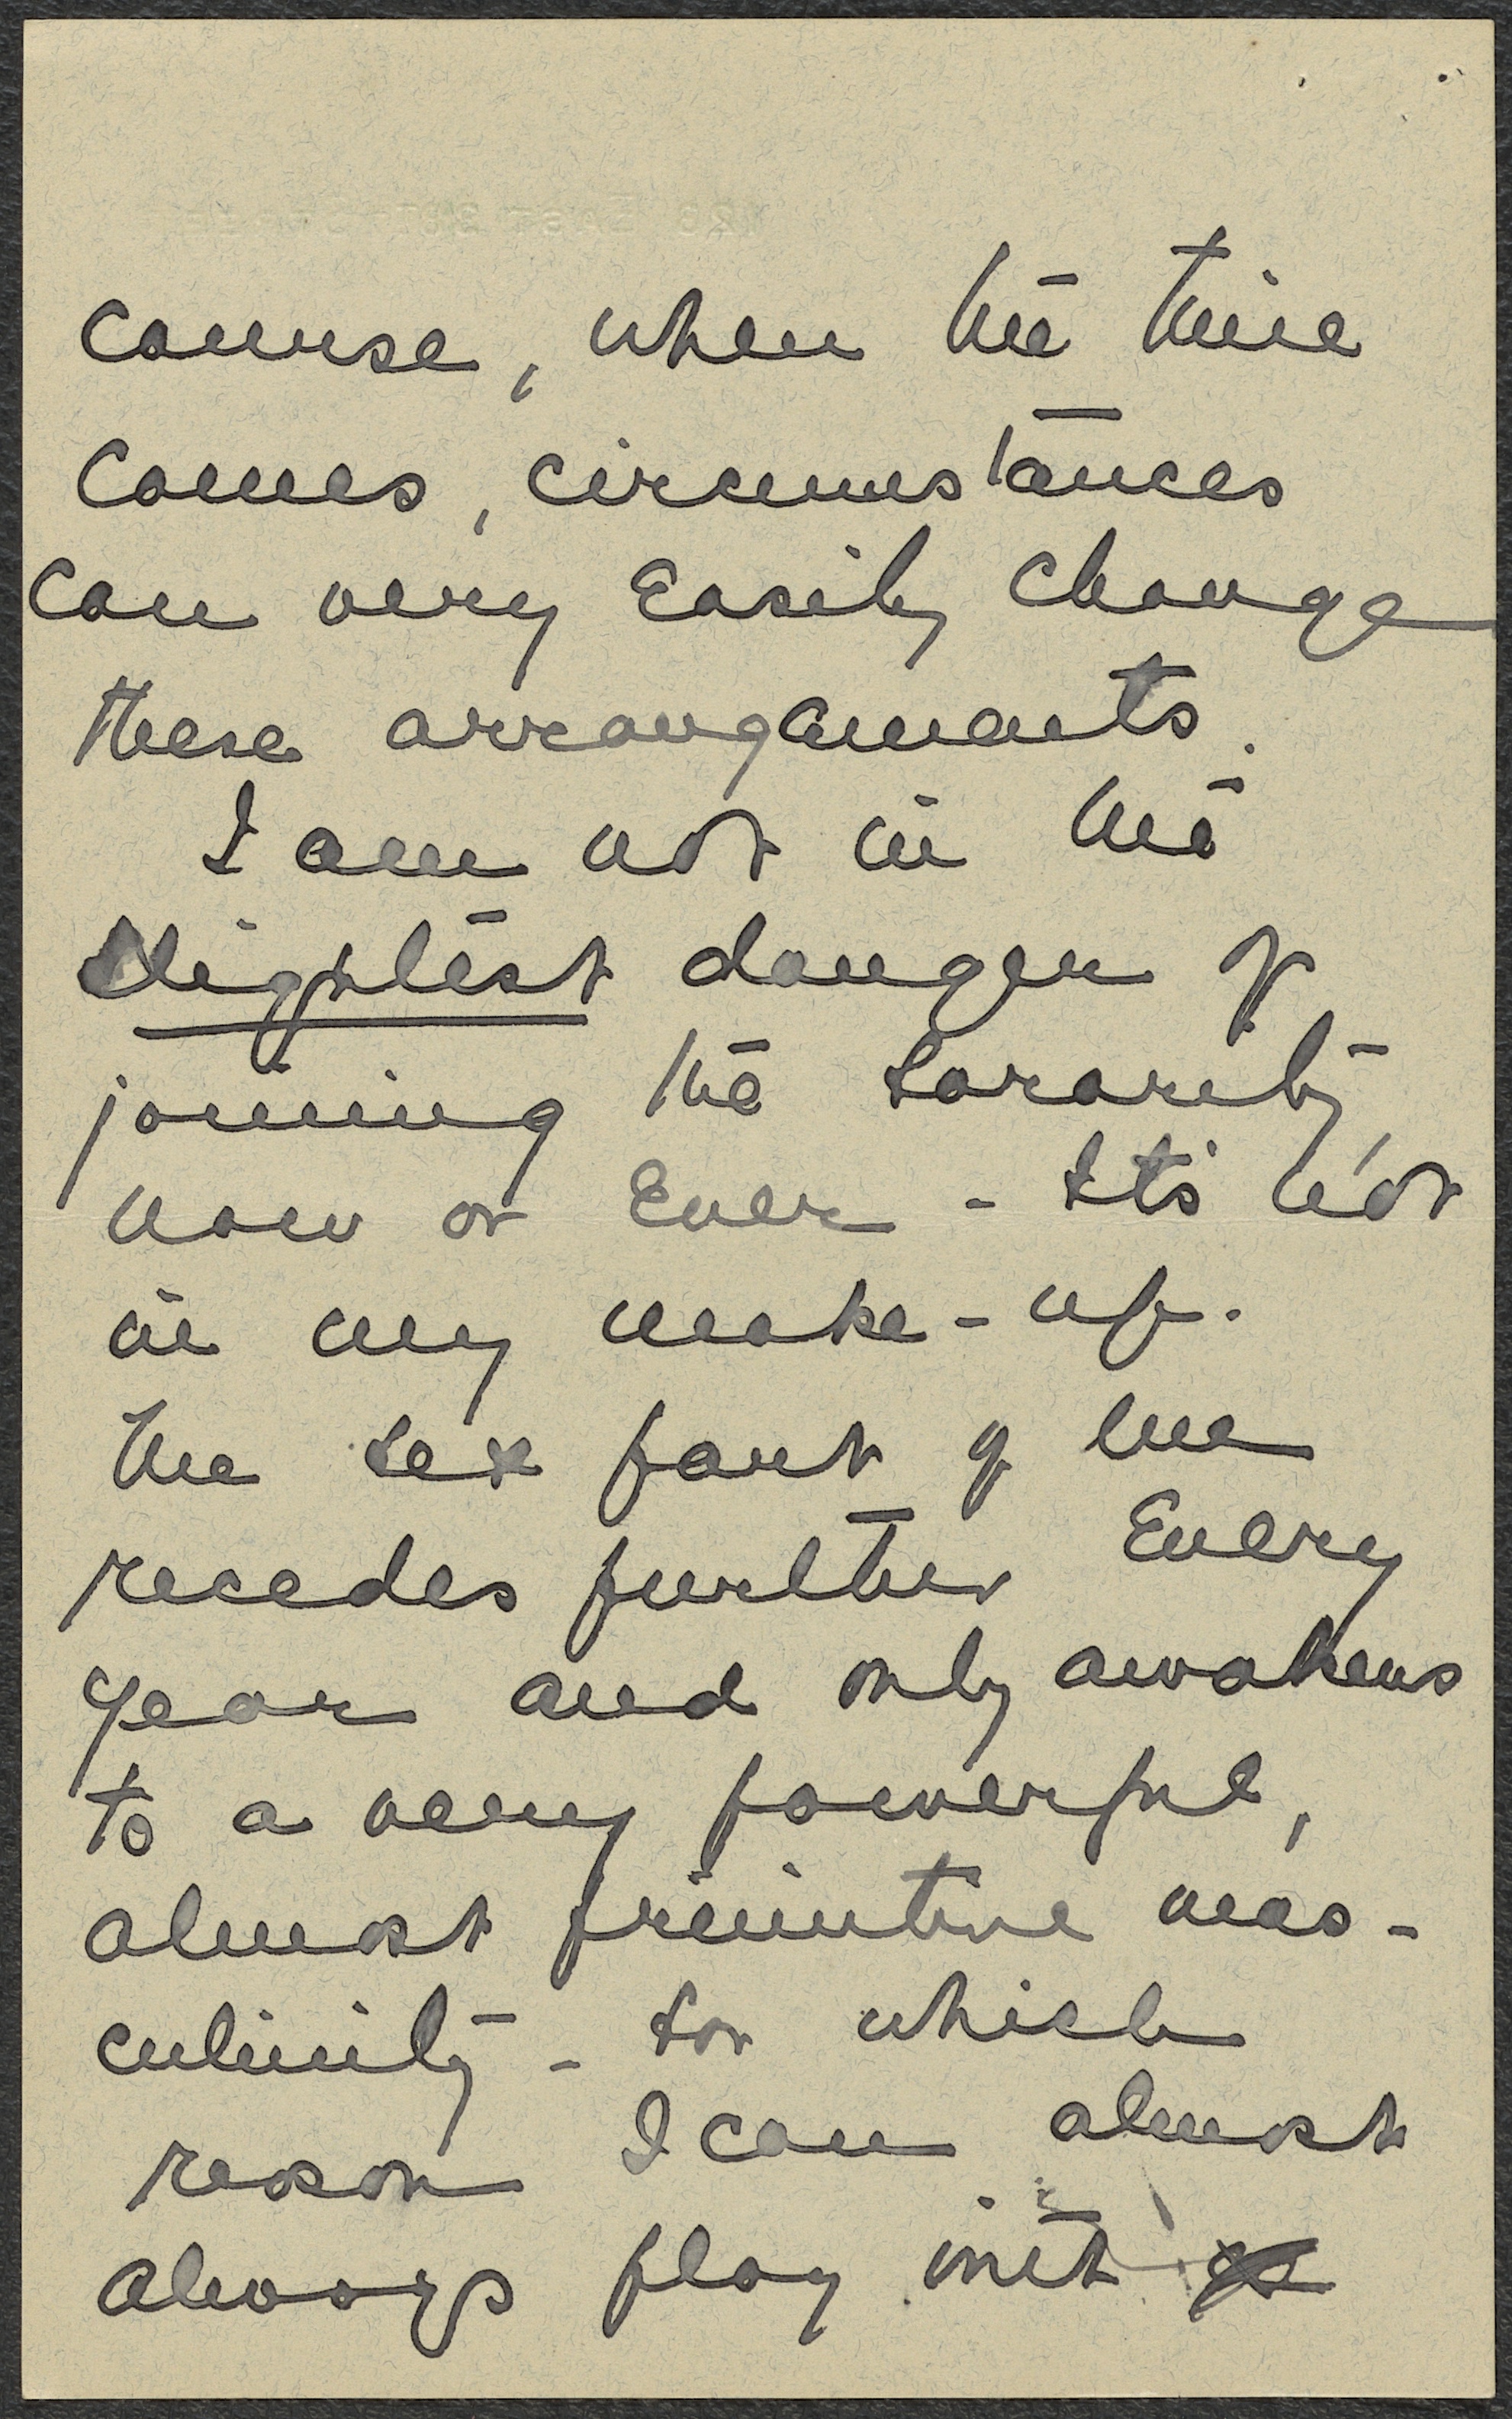course, when the time comes, circumstances can very easily change these arrangements.
I am not in the slightest danger of joining the sorority now or ever – It’s not in my make-up.
The sex part of me recedes further every year and only awakens to a very powerful, almost primitive masculinity – for which reason I can almost always play with